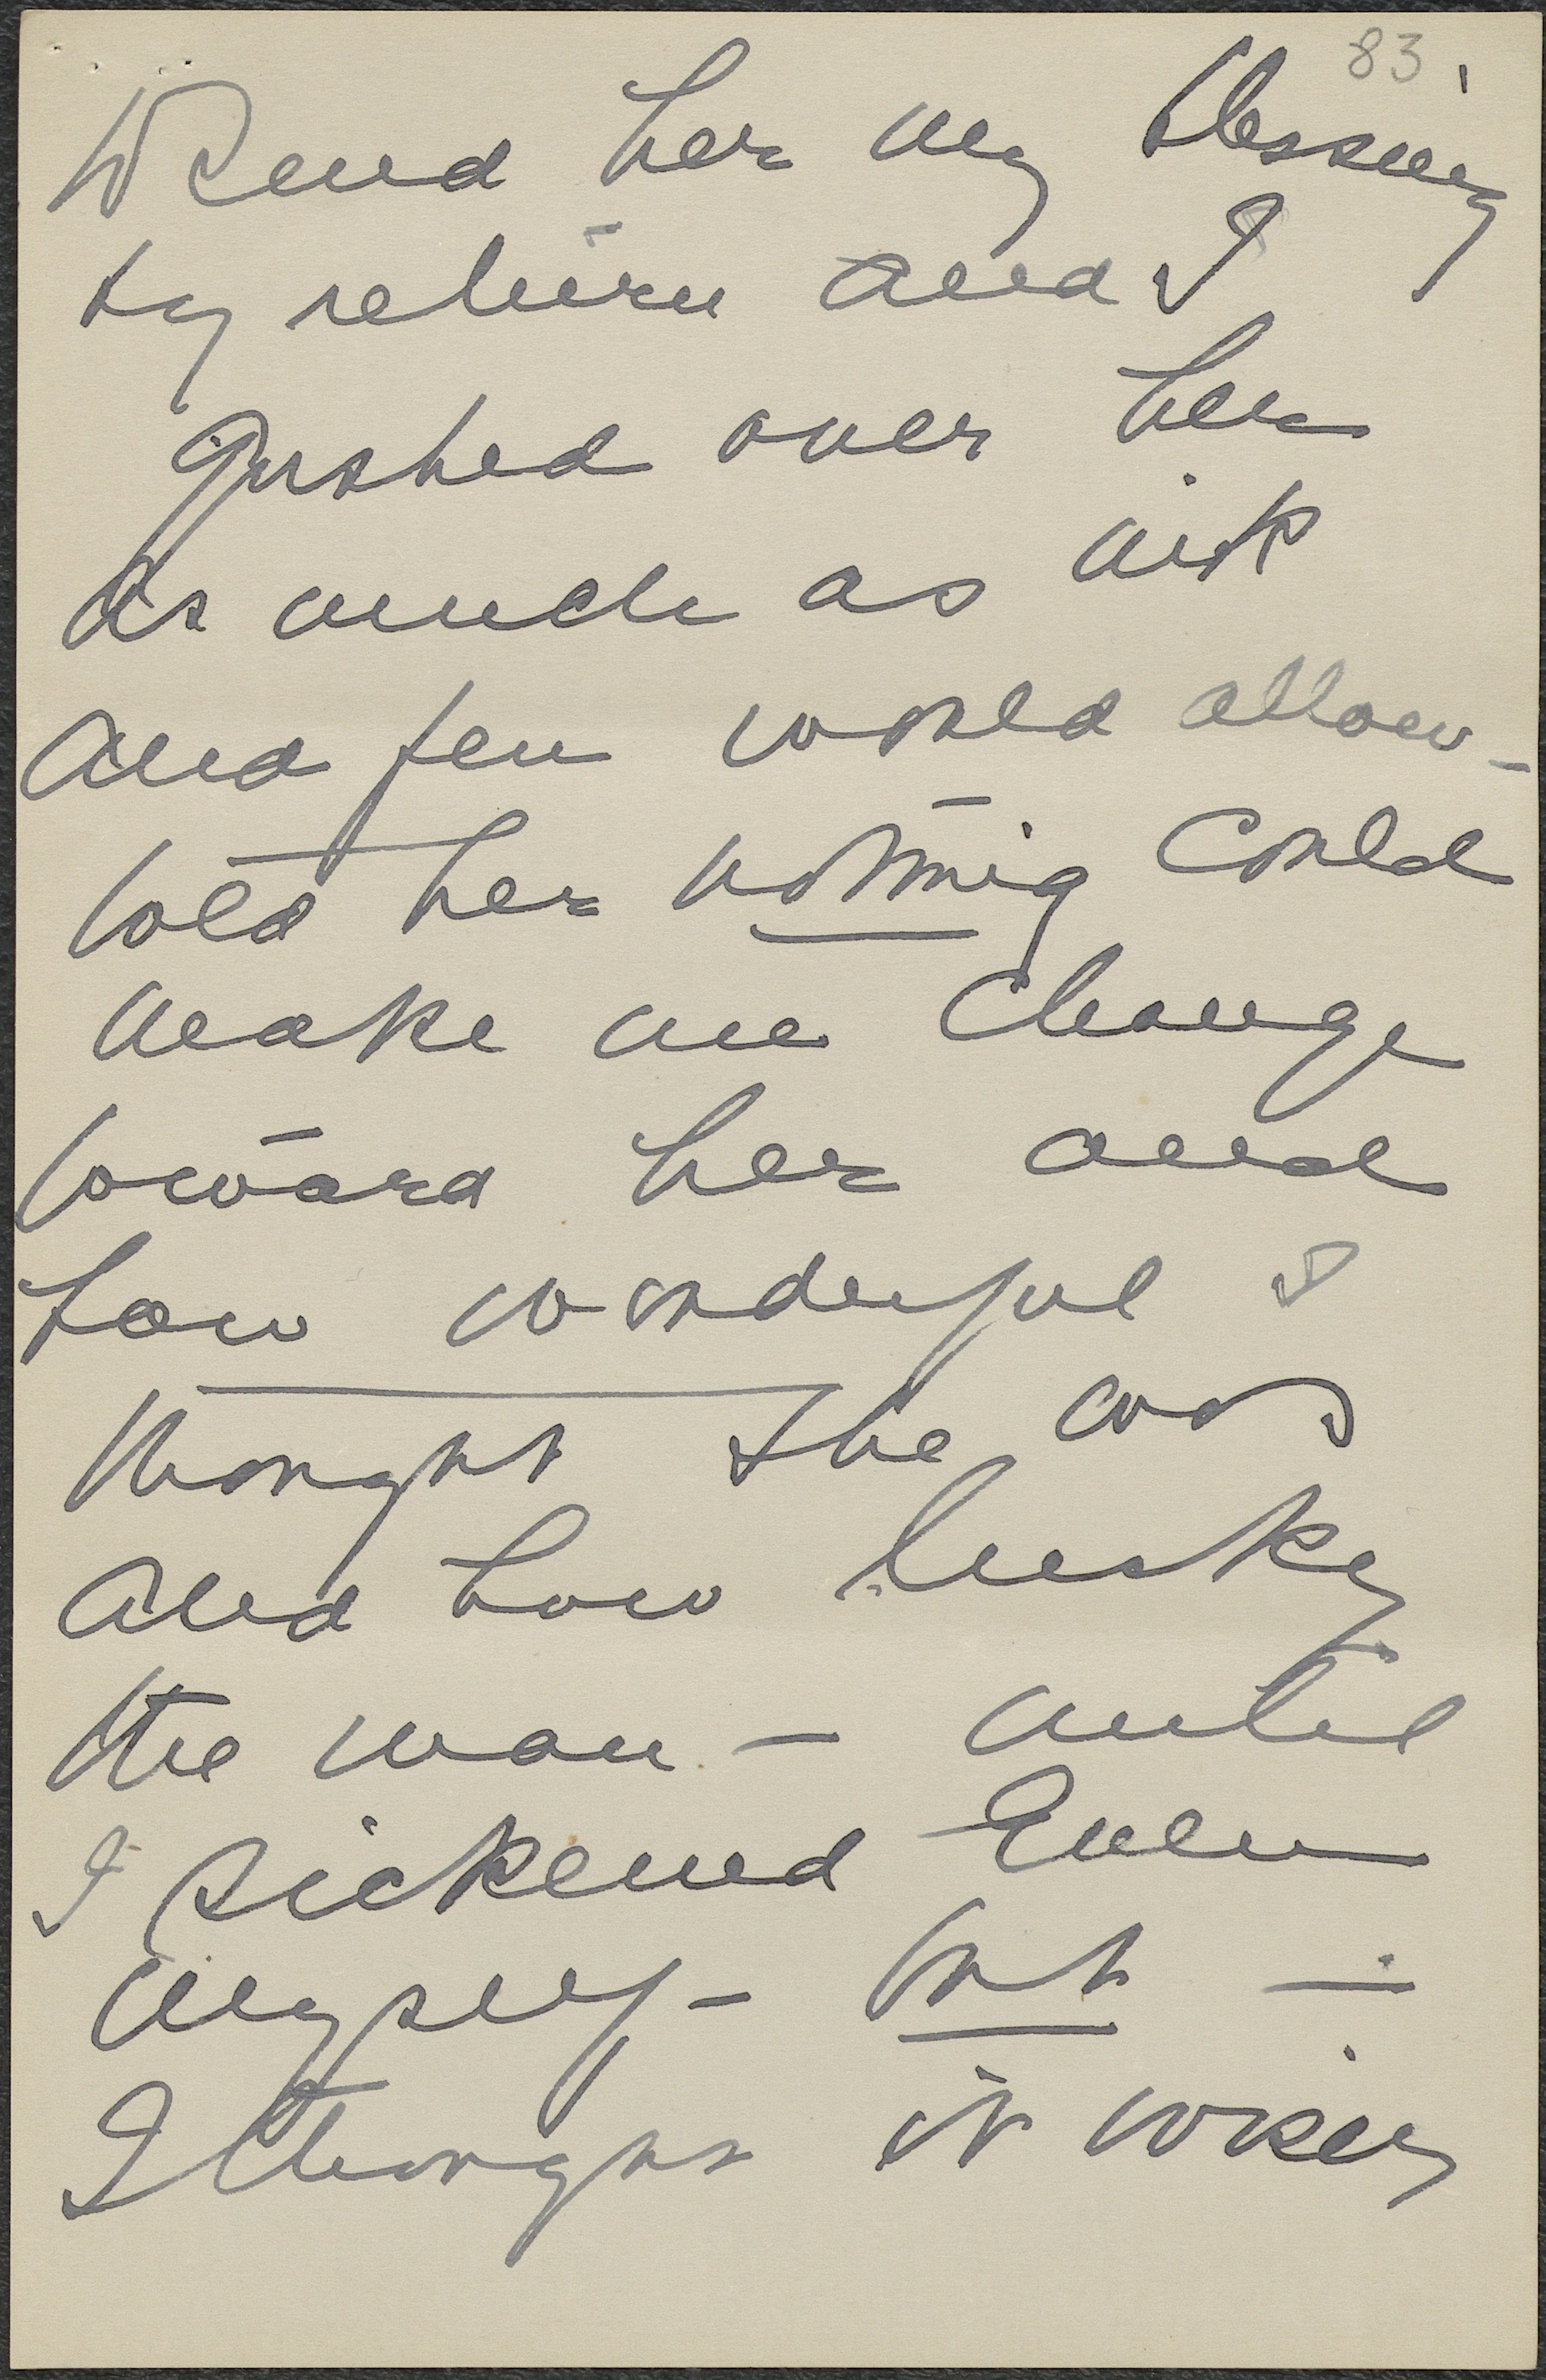to send her my blessing by return and I gushed over her as much as ink and pen would allow – told her nothing could make me change toward her and how wonderful I thought she was and how lucky the man – until I sickened even myself – but – I thought it wiser